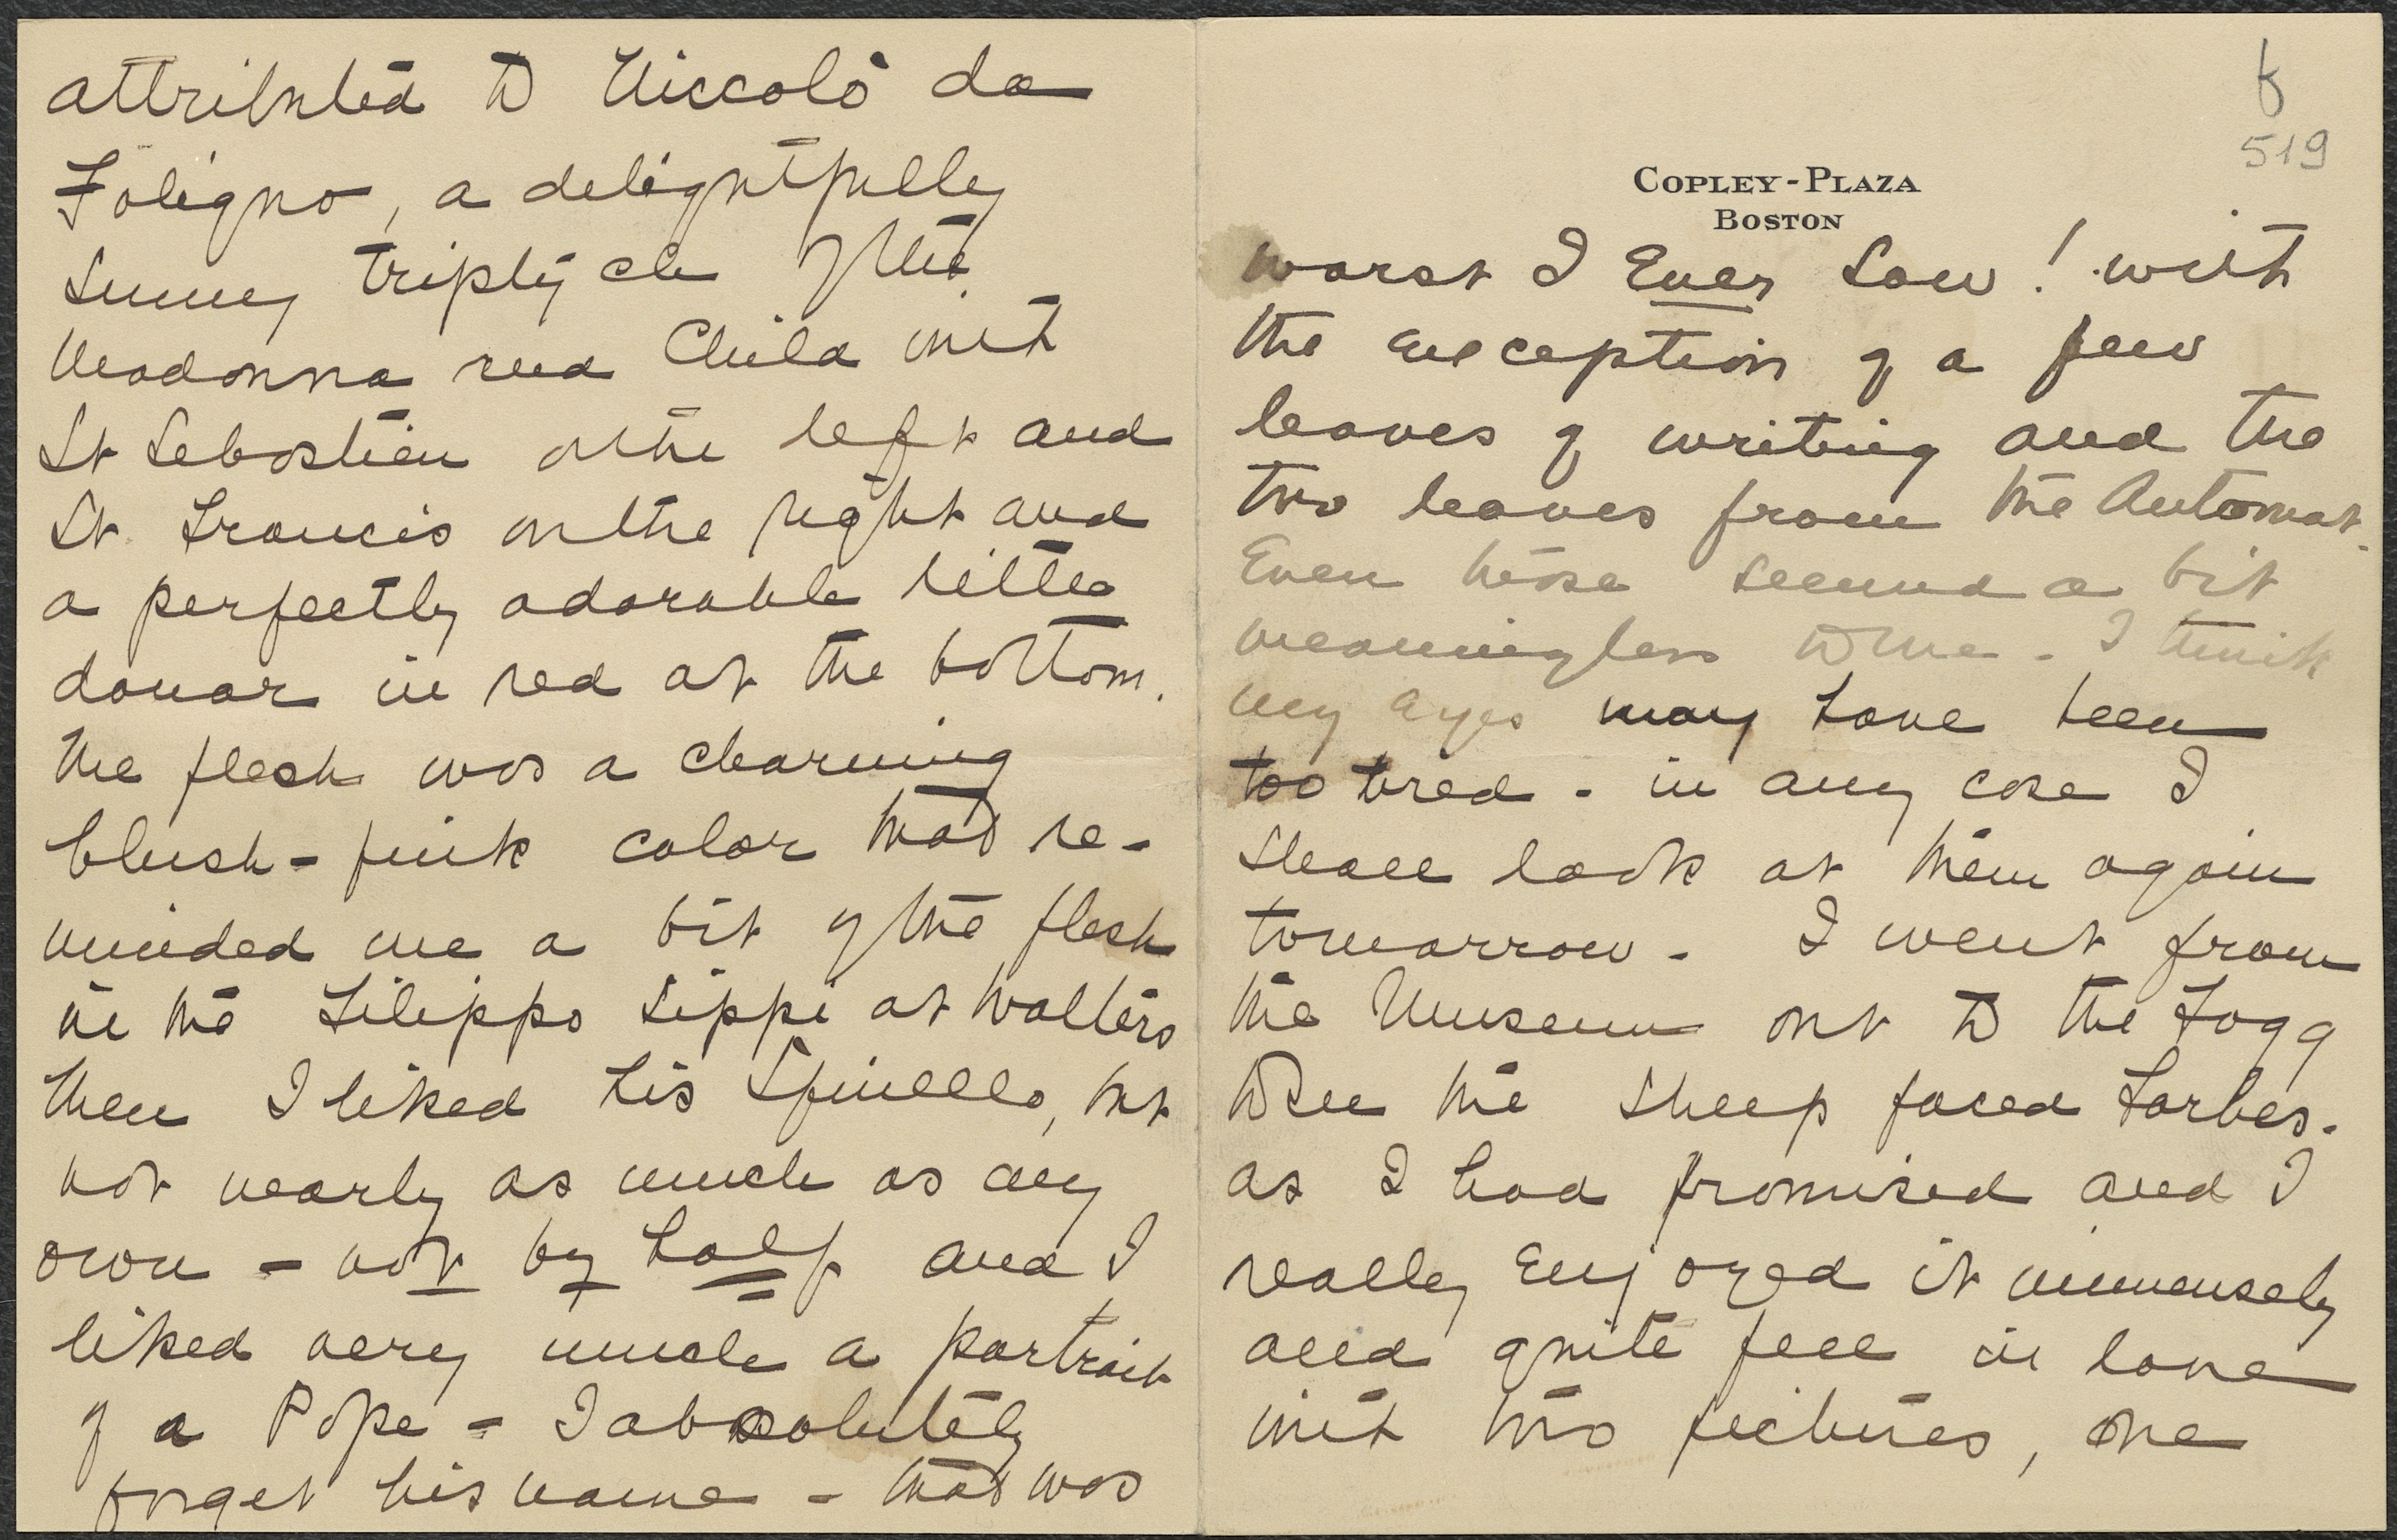worst I ever saw! with the exception of a few leaves of writing and the two leaves from the Automat. Even those seemed a bit meaningless to me – I think my eyes may have been too tired – in any case I shall look at them again tomorrow – I went from the Museum out to the Fogg to see the sheep faced Forbes as I had promised and I really enjoyed it immensely and quite fell in love with two pictures, one
attributed to Niccolò da Foligno, a delightfully sunny triptych of the Madonna and Child with St Sebastian on the left and St Francis on the right and a perfectly adorable little donor in red at the bottom. The flesh was a charming blush-pink color that had reminded me of the flesh in the Filippo Lippi at Walter’s
Then I liked his Spinello, but not nearly as much as my own – not by [double underlined: half] and I liked very much a portrait of a Pope – I absolutely forgot his name – that was